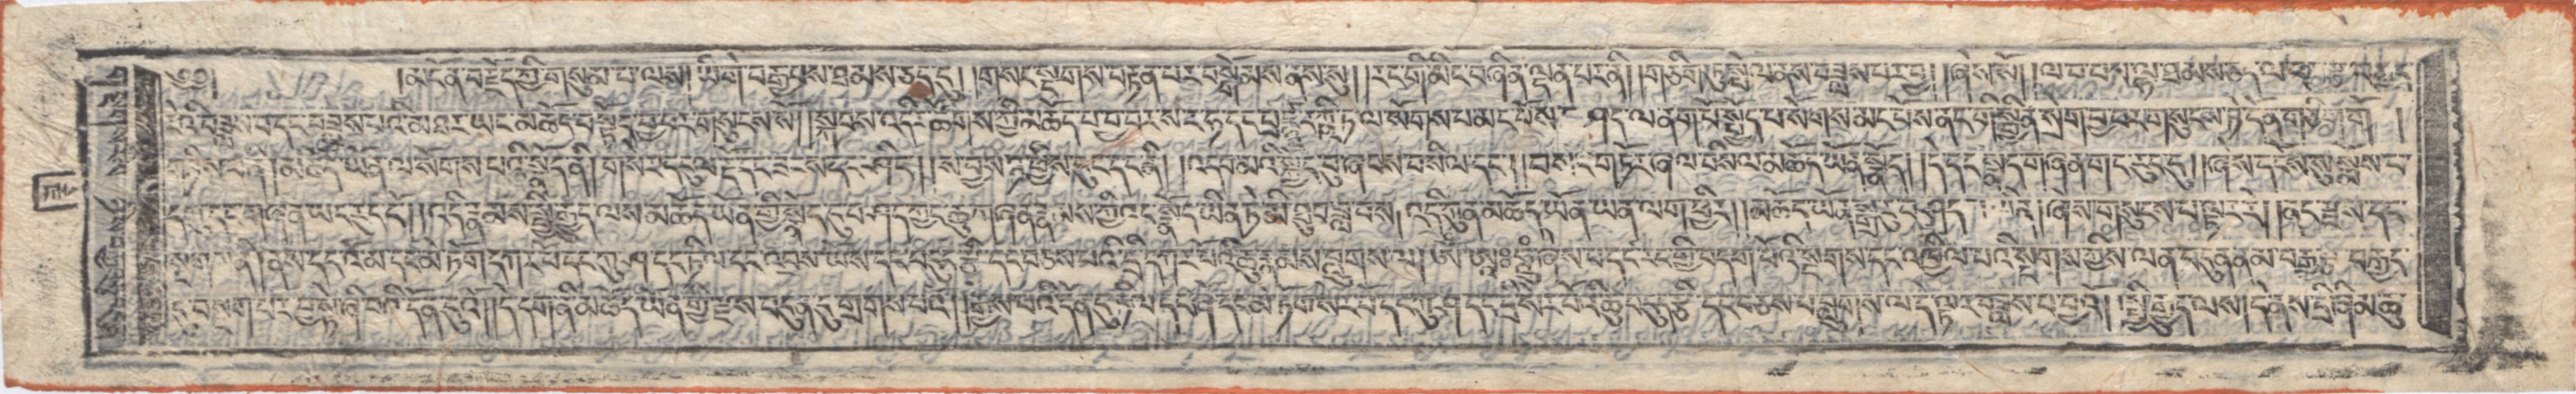༄༅། །མངོན་བརྗོད་ཀྱི་གསུམ་པ་ལས། ཡི་གེ་བརྒྱ་པས་ཐམས་ཅད་དུ། །གསང་སྔགས་བརྟན་པར་བསྒོམས་ནས་སུ། །རང་གི་མིང་བཞིན་ལྡན་པར་ནི། །གཅིག་ཏུ་སྤེལ་ནས་བཟླས་པར་བྱ། །ཞེས་སོ། །ལ་བ་པས་ལྷ་ཐམས་ཅད་ལ་བརྒྱ་རྩ་བརྒྱད་
རེའི་བཟླས་བ་དང་བཟླས་པའི་མཐར་ཡང་མཆོད་བསྟོད་བྱ་བར་གསུངས་སོ། །སྐབས་འདིར་ཚོགས་ཀྱི་མཆོད་པ་བྱ་བར་ས་ར་ཧ་དང་པྲ་ཛྙཱ་ར་ཀྵི་ཏ་ལ་སོགས་པ་མང་པོས་བཤད་ལ་ནག་པོ་སྤྱོད་པ་སོགས་མང་པོས་ནང་གི་སྦྱིན་སྲེག་བྱ་བར་གསུངས་ཏེ་དོན་གཅིག་གོ །
གཉིས་པ་ནི། མཆོད་ཡོན་ལ་སོགས་པའི་སྣོད་ནི། གསེར་དངུལ་རྡོ་དང་ཟང་དང་ཤིང་། །ས་བྱས་ཉ་ཕྱིས་དུང་དང་ནི། །འདབ་མའི་སྐྱོང་བུ་ཞབས་བསིལ་དང་། །བསང་གཏོར་ཞལ་བསིལ་མཆོད་ཡོན་སྣོད། །དེ་དང་སྣོད་གཞན་གང་རུང་དུ། །ཞེས་དངོས་སུ་སྨོས་པ་
དགུ་དང་གཞན་ཡང་རུང་ངོ། །འདི་རྣམས་སྤྱི་རྒྱུད་ལས་མཆོད་ཡོན་གྱི་སྣོད་དུ་བཤད་ཀྱང་ཆུ་གཞན་རྣམས་ཀྱིའང་སྣོད་ཡིན་ཏེ་མི་ཐུབ་ཟླ་བས། འདི་ཀུན་མཆོད་ཡོན་ཡན་ལག་ཕྱིར། །མཆོད་ཡོན་སྒྲ་རུ་བཤད་པ་ཡིན། ཞེས་གསུངས་པ་ལྟར་རེ། །ནང་རྫས་དང་
སྔགས་ནི། ནས་དང་འོ་མ་དང་མེ་ཏོག་དཀར་པོ་དང་ཀུ་ཤ་དང་ཏིལ་དང་འབྲས་ཡོས་དང་བདུད་རྩི་དང་བཅས་པའི་དྲི་དཀར་པོའི་ཆུ་རྣམས་བླུགས་ལ། ཨོཾ་ཨཱཿ ཧཱུཾ་ཞེས་པ་དང་རང་གྱི་བདག་པོའི་སྔགས་དང་འཁྱིལ་པའི་སྔགས་ཀྱིས་ལན་བདུན་ནམ་བརྒྱ་རྩ་བརྒྱད་
དུ་བསྔག་པར་བྱ་སྟེ་ཞི་བའི་དོན་དུའོ། །དེ་དག་ནི་མཆོད་ཡོན་གྱི་རྫས་བདུན་དུ་གྲགས་པའོ། །རྒྱས་པའི་དོན་དུ་ཏིལ་དང་ཞོ་དང་མེ་ཏོག་སེར་པོ་དང་ཀུ་ཤ་དང་དྲི་སེར་པོའི་ཆུ་བདུད་རྩི་དང་བཅས་པ་བླུགས་ལ་དེ་ལྟར་བཟླས་པ་བྱའོ། །སྤྱི་རྒྱུད་ལས། དེ་ནས་དྲི་ཞིམ་ཆུ་